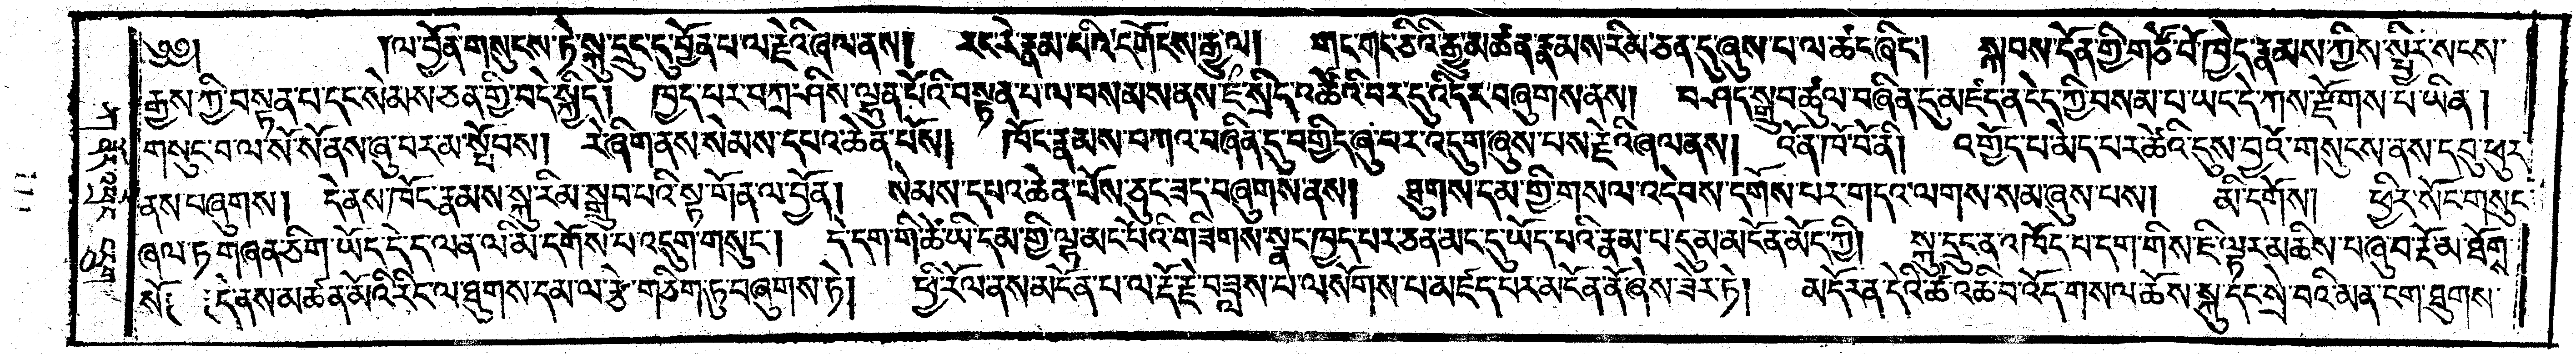༄༅། །ལ་བྱོན་གསུངས་ཏེ་སྐུ་དྲུང་དུ་བྱོན་པ་ལ་རྗེའི་ཞལ་ནས། རང་རེ་རྣམ་པའི་དགོངས་རྒྱུ་ལ། གང་གང་ཅིའི་རྒྱུ་མཚན་རྣམས་རིམ་ཅན་དུ་ཞུས་པ་ལ་ཚང་ཞིང་། སྐབས་དོན་གྱི་གཙོ་བོ་ཁྱེད་རྣམས་ཀྱིས་སྤྱིར་སངས་
རྒྱས་ཀྱི་བསྟན་པ་དང་སེམས་ཅན་གྱི་བདེ་སྐྱིད། ཁྱད་པར་བཀྲ་ཤིས་ལྷུན་པོའི་བསྟན་པ་ལ་བསམས་ནས་ཇྀ་སྲིད་འཚོའི་བར་དུ་འདིར་བཞུགས་ནས། བཤད་སྒྲུབ་ཚུལ་བཞིན་དུ་མཛད་ན་ངེད་ཀྱི་བསམ་པ་ཡང་དེ་ཀས་རྫོགས་པ་ཡིན།
གསུང་བ་ལ་སོ་སོ་ནས་ཞུ་བར་མ་སྤོབས། རེ་ཞིག་ནས་སེམས་དཔའ་ཆེན་པོས། ཁོང་རྣམས་བཀའ་བཞིན་དུ་བགྱིད་ཞུ་བར་འདུག་ཞུས་པས་རྗེའི་ཞལ་ནས། འོ་ན་ཁོ་བོ་ནི། འགྱོད་པ་མེད་པར་ཚེའི་དུས་བྱའོ་གསུངས་ནས་དབུ་ཕུར་
ནས་བཞུགས། དེ་ནས་ཁོང་རྣམས་སྐུ་རིམ་སྒྲུབ་པའི་སྟ་གོན་ལ་བྱོན། སེམས་དཔའ་ཆེན་པོས་ཅུང་ཟད་བཞུགས་ནས། ཐུགས་དམ་གྱི་གསལ་འདེབས་དགོས་པར་གདའ་ལགས་སམ་ཞུས་པས། མི་དགོས། ཕྱིར་སོང་གསུང་
ཞལ་ཏ་གཞན་ཅིག་ཡོད་དེ་ད་ལན་ལ་མི་དགོས་པ་འདུག་གསུང་། དེ་དག་གི་ཚེ་ཡི་དམ་གྱི་ལྷ་མང་པོའི་གཟིགས་སྣང་ཁྱད་པར་ཅན་མང་དུ་ཡོད་པའི་རྣམ་པ་དུ་མ་མངོན་མོད་ཀྱི། སྐུ་དྲུང་ན་འཁོད་པ་དག་གིས་ཇི་ལྟར་མཆིས་པ་ཞུ་བ་རྔོ་མ་ཐོགས་
སོ༑ ༑དེ་ནས་མཚན་མོའི་རིང་ལ་ཐུགས་དམ་ལ་རྩེ་གཅིག་ཏུ་བཞུགས་ཏེ། ཕྱི་རོལ་ནས་མངོན་པ་ལ་རྡོ་རྗེ་བཟླས་པ་ལ་སོགས་པ་མཛད་པར་མངོན་ནོ་ཞེས་ཟེར་ཏེ། མདོར་ན་དེའི་ཚེ་འཆི་བ་འོད་གསལ་ཆོས་སྐུ་དང་སྲེ་བའི་མན་ངག་ཐུགས་